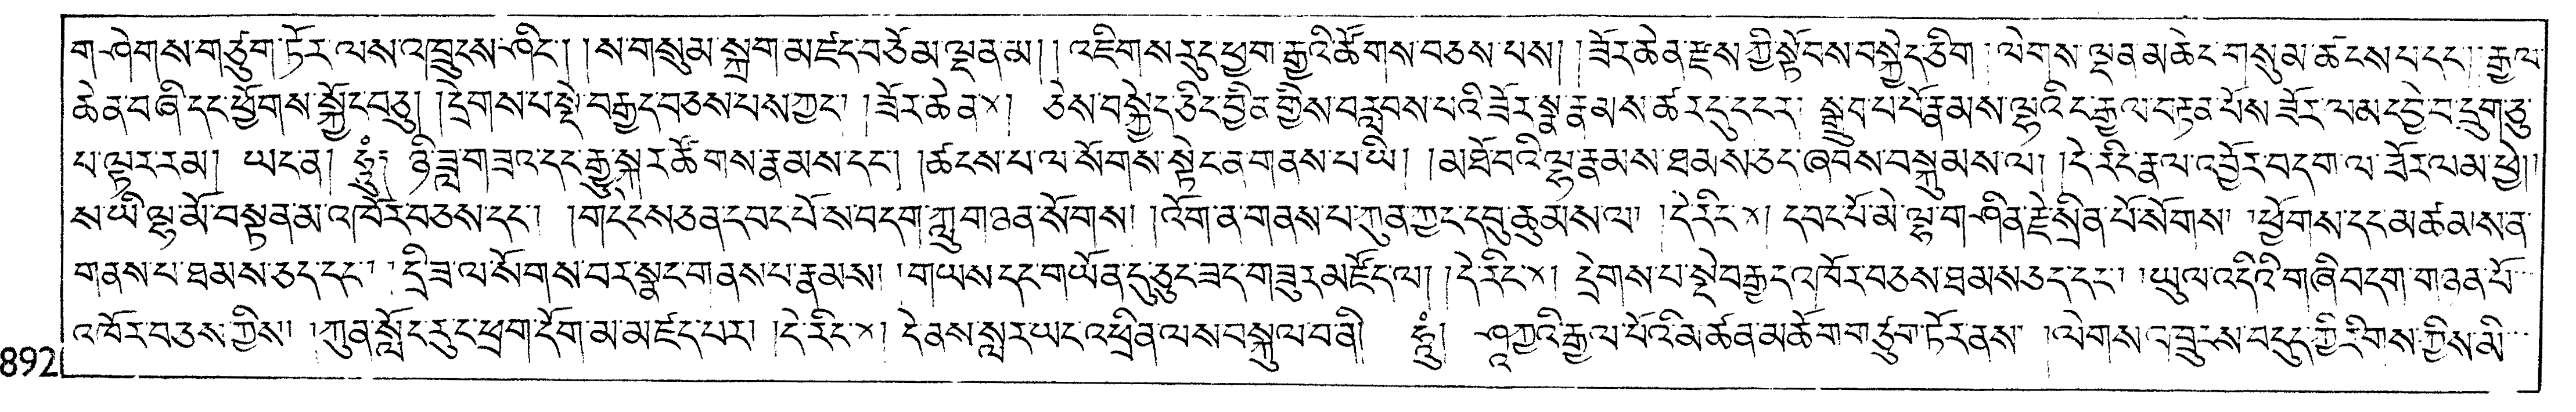གཤེགས་གཙུག་ཏོར་ལས་འཁྲུངས་ཤིང་། །ས་གསུམ་སྐྲག་མཛད་བཅོམ་ལྡན་མ། །འཇིགས་རུང་ཕྱག་རྒྱའི་ཚོགས་བཅས་པས། །ཟོར་ཆེན་རྫས་ཀྱི་སྟོབས་བསྐྱེད་ཅིག །ལེགས་ལྡན་མཆེད་གསུམ་ཚངས་པ་དང་། །རྒྱལ་
ཆེན་བཞི་དང་ཕྱོགས་སྐྱོང་བཅུ། །དྲེགས་པ་སྡེ་བརྒྱད་བཅས་པས་ཀྱང་། །ཟོར་ཆེན་྾། ཅེས་བསྐྱེད་ཅིང་བྱིན་གྱིས་བརླབས་པའི་ཟོར་སྣ་རྣམས་ཚར་དུ་དངར། སྒྲུབ་པ་པོ་རྣམས་ལྷའི་ང་རྒྱལ་བརྟན་པོས་ཟོར་ལམ་དབྱེ་བ་དྲུག་ཅུ་
པ་ལྟར་རམ། ཡང་ན། ཧཱུཾ༑ ཉི་ཟླ་གཟའ་དང་རྒྱུ་སྐར་ཚོགས་རྣམས་དང་། །ཚངས་པ་ལ་སོགས་སྟེང་ན་གནས་པ་ཡི། །མཐོ་བའི་ལྷ་རྣམས་ཐམས་ཅད་ཞབས་བསྐུམས་ལ། །དེ་རིང་རྣལ་འབྱོར་བདག་ལ་ཐོར་ལམ་ཕྱེ། །
ས་ཡི་ལྷ་མོ་བསྟན་མ་འཁོར་བཅས་དང་། །གདེངས་ཅན་དབང་པོ་ས་བདག་ཀླུ་གཉན་སོགས། །འོག་ན་གནས་པ་ཀུན་ཀྱང་དབུ་ཆུམས་ལ། །དེ་རིང་྾། དབང་པོ་མེ་ལྷ་གཤིན་རྗེ་སྲིན་པོ་སོགས། །ཕྱོགས་དང་མཚམས་ན་
གནས་པ་ཐམས་ཅད་དང་། །དྲི་ཟ་ལ་སོགས་བར་སྣང་གནས་པ་རྣམས། །གཡས་དང་གཡོན་དུ་ཅུང་ཟད་གཟུར་མཛོད་ལ། །དེ་རིང་྾། དྲེགས་པ་སྡེ་བརྒྱད་འཁོར་བཅས་ཐམས་ཅད་དང་། །ཡུལ་འདིའི་གཞི་བདག་གཉན་པོ་
འཁོར་བཅས་ཀྱིས། །ཀུན་སློང་རུ་ང་ཕྲག་དོག་མ་མཛད་པར། །དེ་རིང་྾། དེ་ནས་སླར་ཡང་འཕྲིན་ལས་བསྐུལ་བ་ནི། ཧཱུཾ། ཤཱཀྱའི་རྒྱལ་པོའི་མཚན་མཆོག་གཙུག་ཏོར་ནས། །ལེགས་འཁྲུངས་བདུད་ཀྱི་རིགས་ཀྱིས་མི་